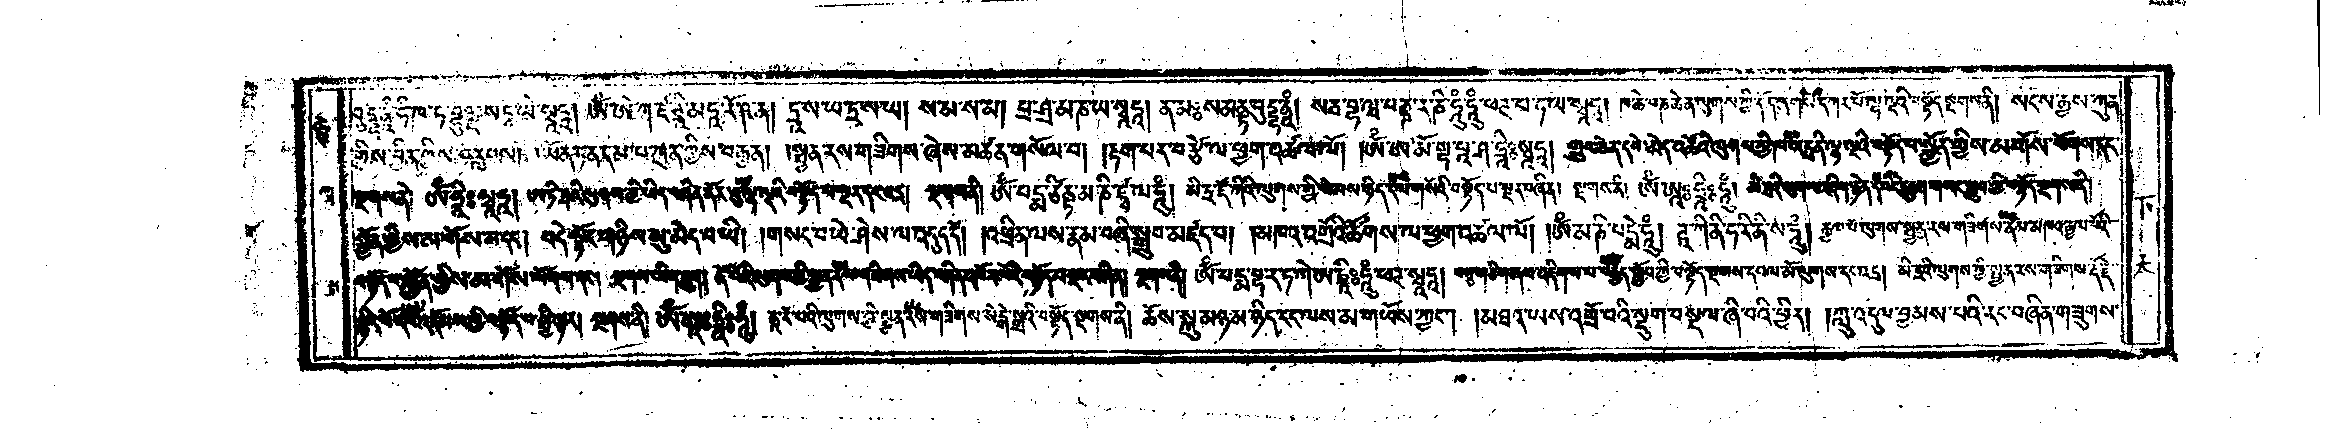བུདྡྷ་ནཱཾ་ཧཾ་ཁ་ཏ་བྷུཉྫ་སཏྭ་ཡེ་སྭཱཧཱ། ཨོཾ་ཨེ་ཀ་ཛ་ཊྲཱི་མཧཱ་རོ་ཥ་ན། ཏྲཱ་ས་ཡ་ཏྲ་ས་ཡ། ས་མ་ས་མ། པྲ་ཤྲ་མ་ཎ་ཡ་སྭཱཧཱ། ན་མཿས་མནྟ་བུདྡྷ་ནཱཾ། སརྦ་བྷ་ཝ་པ་ཎྜ་ར་ཎི་ཧཱུཾ་ཧཱུཾ་ཕཊ་པ་ཏ་ཡ་སྭཱཧཱ། སྤྱི་འགྲོ། སྔགས་ན། ཨོཾ་ཨ་མ་གས༤༩་དཀར་པོ་ལྷ་ལྔའི་བསྟོད་སྔགས་ནི། སངས་རྒྱས་ཀུན་
གྱིས་བྱིན་གྱིས་བརླབས། །ཡོན་ཏན་དམ་པ་ཀུན་གྱིས་བརྒྱན། །སྤྱན་རས་གཟིགས་ཞེས་མཚན་གསོལ་བ། །རྟག་པར་བརྩེ་ལ་ཕྱག་འཚལ་ལོ། །ཨོཾ་ཨ་མོ་གྷ་པཱ་ཤ་ཧྲཱིཿསྭཱཧཱ། གྲུབ་ཆེན་དཔེ་མེད་འཚོའི་ལུགས་ཀྱི་ཁ་སརྤ༥༠་ནི་ལྷ་ལྔའི་བསྟོད་པ་སྐྱོན་གྱིས་མ་གོས་སོགས་དང་
སྔགས་ནི། ཨོཾ་ཧྲཱིཿསྭཱཧཱ། ཨ་ཏི་ཤའི་ལུགས་ཀྱི་ཡིད་བཞིན་ནོར་བུ༥༡་ལྷ་ལྔའི་བསྟོད་པ་སྔར་དང་འདྲ། སྔགས་ནི། ཨོཾ་པདམ་ཙིནྟ་མ་ཎི་ཛྭ་ལ་ཧཱུཾ། མི་ཏྲ་ཛོ་ཀིའི་ལུགས་གྱི་སེམས་ཉིད་ངལ༥༢་གསོའི་བསྟོད་པ་སྔར་བཞིན། སྔགས་ནི། ཨོཾ་ཨཱཿཧྲཱིཿཧཱུཾ། མེ་ཏྲའི་ལུགས་འཇིག་རྟེན་དབང༥༣་ཕྱུག་གསང་སྒྲུབ་ཀྱི་བསྟོད་སྔགས་ནི།
སྐྱོན་གྱིས་མ་གོས་མ་དང་།  བདེ་སྟོང་གཉིས་སུ་མེད་པ་ཡི། །གསང་བ་ཡེ་ཤེས་ལ་འདུད་དོ། །འཕྲིན་ལས་རྣམ་བཞི་སྒྲུབ་མཛད་པ། །མཁའ་འགྲོའི་ཚོགས་ལ་ཕྱག་འཚལ་ལོ། །ཨོཾ་མ་ཎི་པདམེ་ཧཱུཾ། ཌཱ་ཀི་ནི་ཏ་རི་ནི་ས་ཧཱུཾ། རྒྱལ་པོ་ལུགས་སྤྱན་རས་གཟིགས་ནམ༥༤་མཁའ་རྒྱལ་པོའི་
བསྟོད་པ་སྐྱོན་གྱིས་མ་གོས་སོགས་དང་། སྔགས་ཡིག་དྲུག། ཇོ་བོའི་ལུགས་གྱི་སྤྱན་རས༥༥་གཟིགས་ཡིད་བཞིན་འཁོར་ལོའི་བསྟོད་པ་སྔར་བཞིན། སྔགས་ནི། ཨོཾ་པདམ་བྷ་ར་ཏ་ཀེ་ཨ་ཧྲཱིཿཧཱུཾ་ཕཊ་སྭཱཧཱ། བཅུ་གཅིག་ཞལ་འཇིགས་པ་བརྒྱད༥༦་སྐྱོབ་ཀྱི་བསྟོད་སྔགས་དཔལ་མོ་ལུགས་དང་འདྲ། མི་ཏྲའི་ལུགས་ཀྱི་སྤྱན་རས་གཟིགས་རྡོ་རྗེ་
སྙིང་པོ་རབ༥༧་འཇོམས་ཀྱི་བསྟོད་པ་སྤྱི་ལྟར། སྔགས་ནི། ཨོཾ་ཨཱཿཧྲཱིཿཧཱུཾ། ནཱ་རོ་པའི་ལུགས་ཀྱི་སྤྱན་རས༥༨་གཟིགས་ལ་མ་འཁོ་བཅས་ལ་ཕྱག་འཚལ། སྔགས་ཡི་གེ་བཅུ་པའོ།། དེའི་ལུགས་ཀཡ་ཕྱག་བརྒྱད་སྒྲོལ༧༡་མའི་བསྟོད་སྔགས་སྤྱི་འགྲོ། སྟག་ལུང་བྱམས་པའི་རང་བཞིན་གཟུགས་